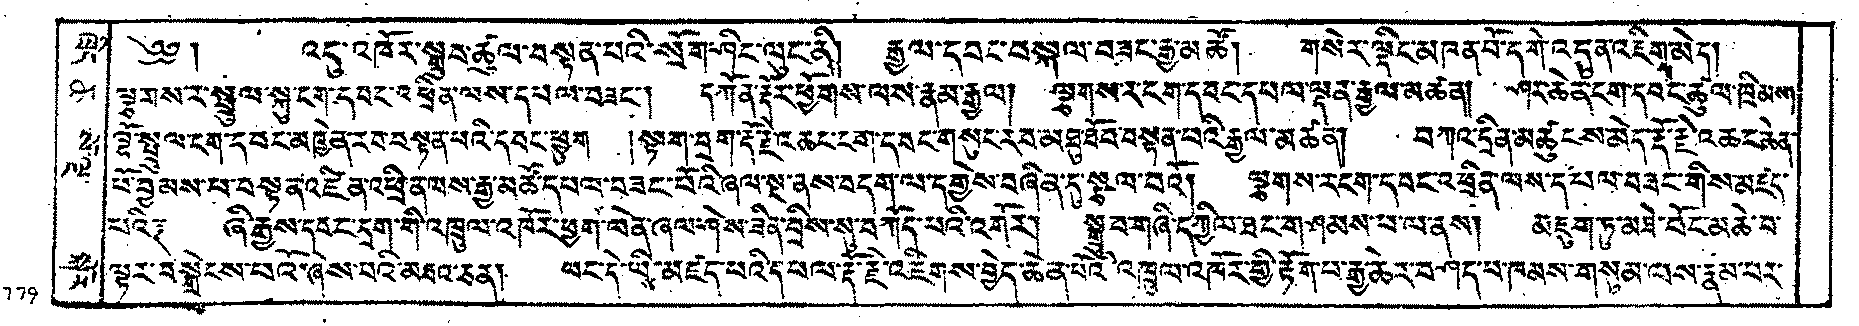༄༅། །འདུ་འཁོར་སྒྲུབ་ཚུལ་བསྟན་པའི་སྲོག་ཤིང་ལུང་ནི། རྒྱལ་དབང་བསྐལ་བཟང་རྒྱ་མཚོ། གསེར་ལྡིང་མཁན་པོ་དགེ་འདུན་འཇིགས་མེད།
ལྕགས་ར་སྤྲུལ་སྐུ་ངག་དབང་འཕྲིན་ལས་དཔལ་བཟང་། དཀོན་རྡོར་ཕྱོགས་ལས་རྣམ་རྒྱལ། ལྕགས་ར་ངག་དབང་དཔལ་ལྡན་རྒྱལ་མཚན། ཤར་ཆེན་ངག་དབང་ཚུལ་ཁྲིམས།
ལྷོ་སྤྲུལ་ངག་དབང་མཁྱེན་རབ་བསྟན་པའི་དབང་ཕྱུག །སྟག་བྲག་རྡོ་རྗེ་འཆང་ངག་དབང་གསུང་རབ་མཐུ་ཐོབ་བསྟན་པའི་རྒྱལ་མཚན། བཀའ་དྲིན་མཚུངས་མེད་རྡོ་རྗེ་འཆང་ཆེན་
པོ་བྱམས་པ་བསྟན་འཛིན་འཕྲིན་ལས་རྒྱ་མཚོ་དཔལ་བཟང་པོའི་ཞལ་སྔ་ནས་བདག་ལ་དགྱེས་བཞིན་དུ་སྩལ་བའོ། ལྕགས་ར་ངག་དབང་འཕྲིན་ལས་དཔལ་བཟང་གིས་མཛད་
པའི༑ ཞི་རྒྱས་དབང་དྲག་གི་འཁྲུལ་འཁོར་ཕྱག་ལེན་ཞལ་ཤེས་ཟིན་བྲིས་སུ་བཀོད་པའི་འགོར། སྒྲུབ་གཞི་དཀྱིལ་ཐང་གཤམས་པ་ལ་ནས། མཇུག་ཏུ་མཐེ་བོང་མཆེ་བ་
ལྟར་བསྒྲེངས་པའོ་ཞེས་པའི་མཐའ་ཅན། ཡང་དེ་ཡིས་མཛད་པའི་དཔལ་རྡོ་རྗེ་འཇིགས་བྱེད་ཆེན་པོའི་འཁྲུལ་འཁོར་གྱི་རྟོག་པ་རྒྱ་ཆེར་བཤད་པ་ཁམས་གསུམ་ལས་རྣམ་པར་